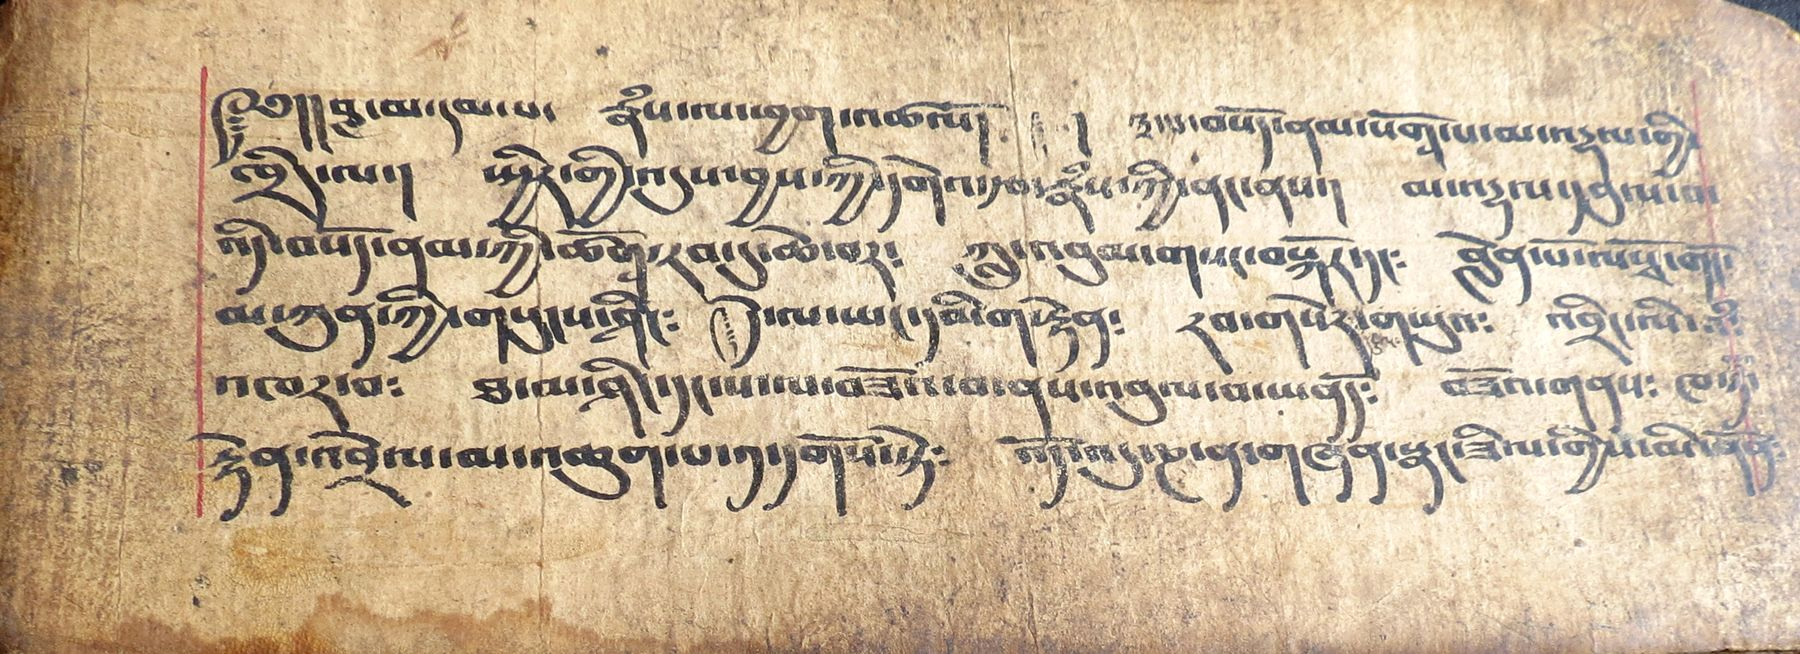བླ་མ་དམ་པ་རྣམས་ལ་ཕྱག་འཚལ་ལོ། ། གསུམ་པ་བསོད་ནམས་ཀྱི་ཚོགས་བསགས་པ་མ་འདལ་གྱི་
ཁྲིད་ལ། སྤྱིར་གྱི་འདུས་བྱས་ཀྱི་དགེ་རྩ་རྣམས་ཀྱི་ནང་ནས། མ་འདལ་འབུལ་བ་
འདི་བསོད་ནམས་ཀྱི་ཚོགས་རབ་ཏུ་ཆེ་བ། ཀླུ་འབུམ་གསང་སྐོར་དང་། བླ་ཆེན་པོ་ལ་སོགས་གོང་
མ་ཀུན་གྱིས་གསུངས་ཤིང་། དེ་ལ་ཡང་དམིགས་རྟེན་རབ་གསེར་དངུལ་གཡུ། འབྲིང་ལིའམ་
འཁར་བ། ཐ་མ་ཤིང་དང་ས་ལ་བཟོ་ནས་འབུལ་བ་ཡན་ཆོད། བཟོ་གནས་ཁ བརྡ་
རྟེན་འབྲེལ་མ་འཆུག་པ་ཞིག་དགོས་ཏེ། འོད་འདུ་མེད་ན་གཞན་སྣང་ཟིལ་གྱིས་མི་ནོན།